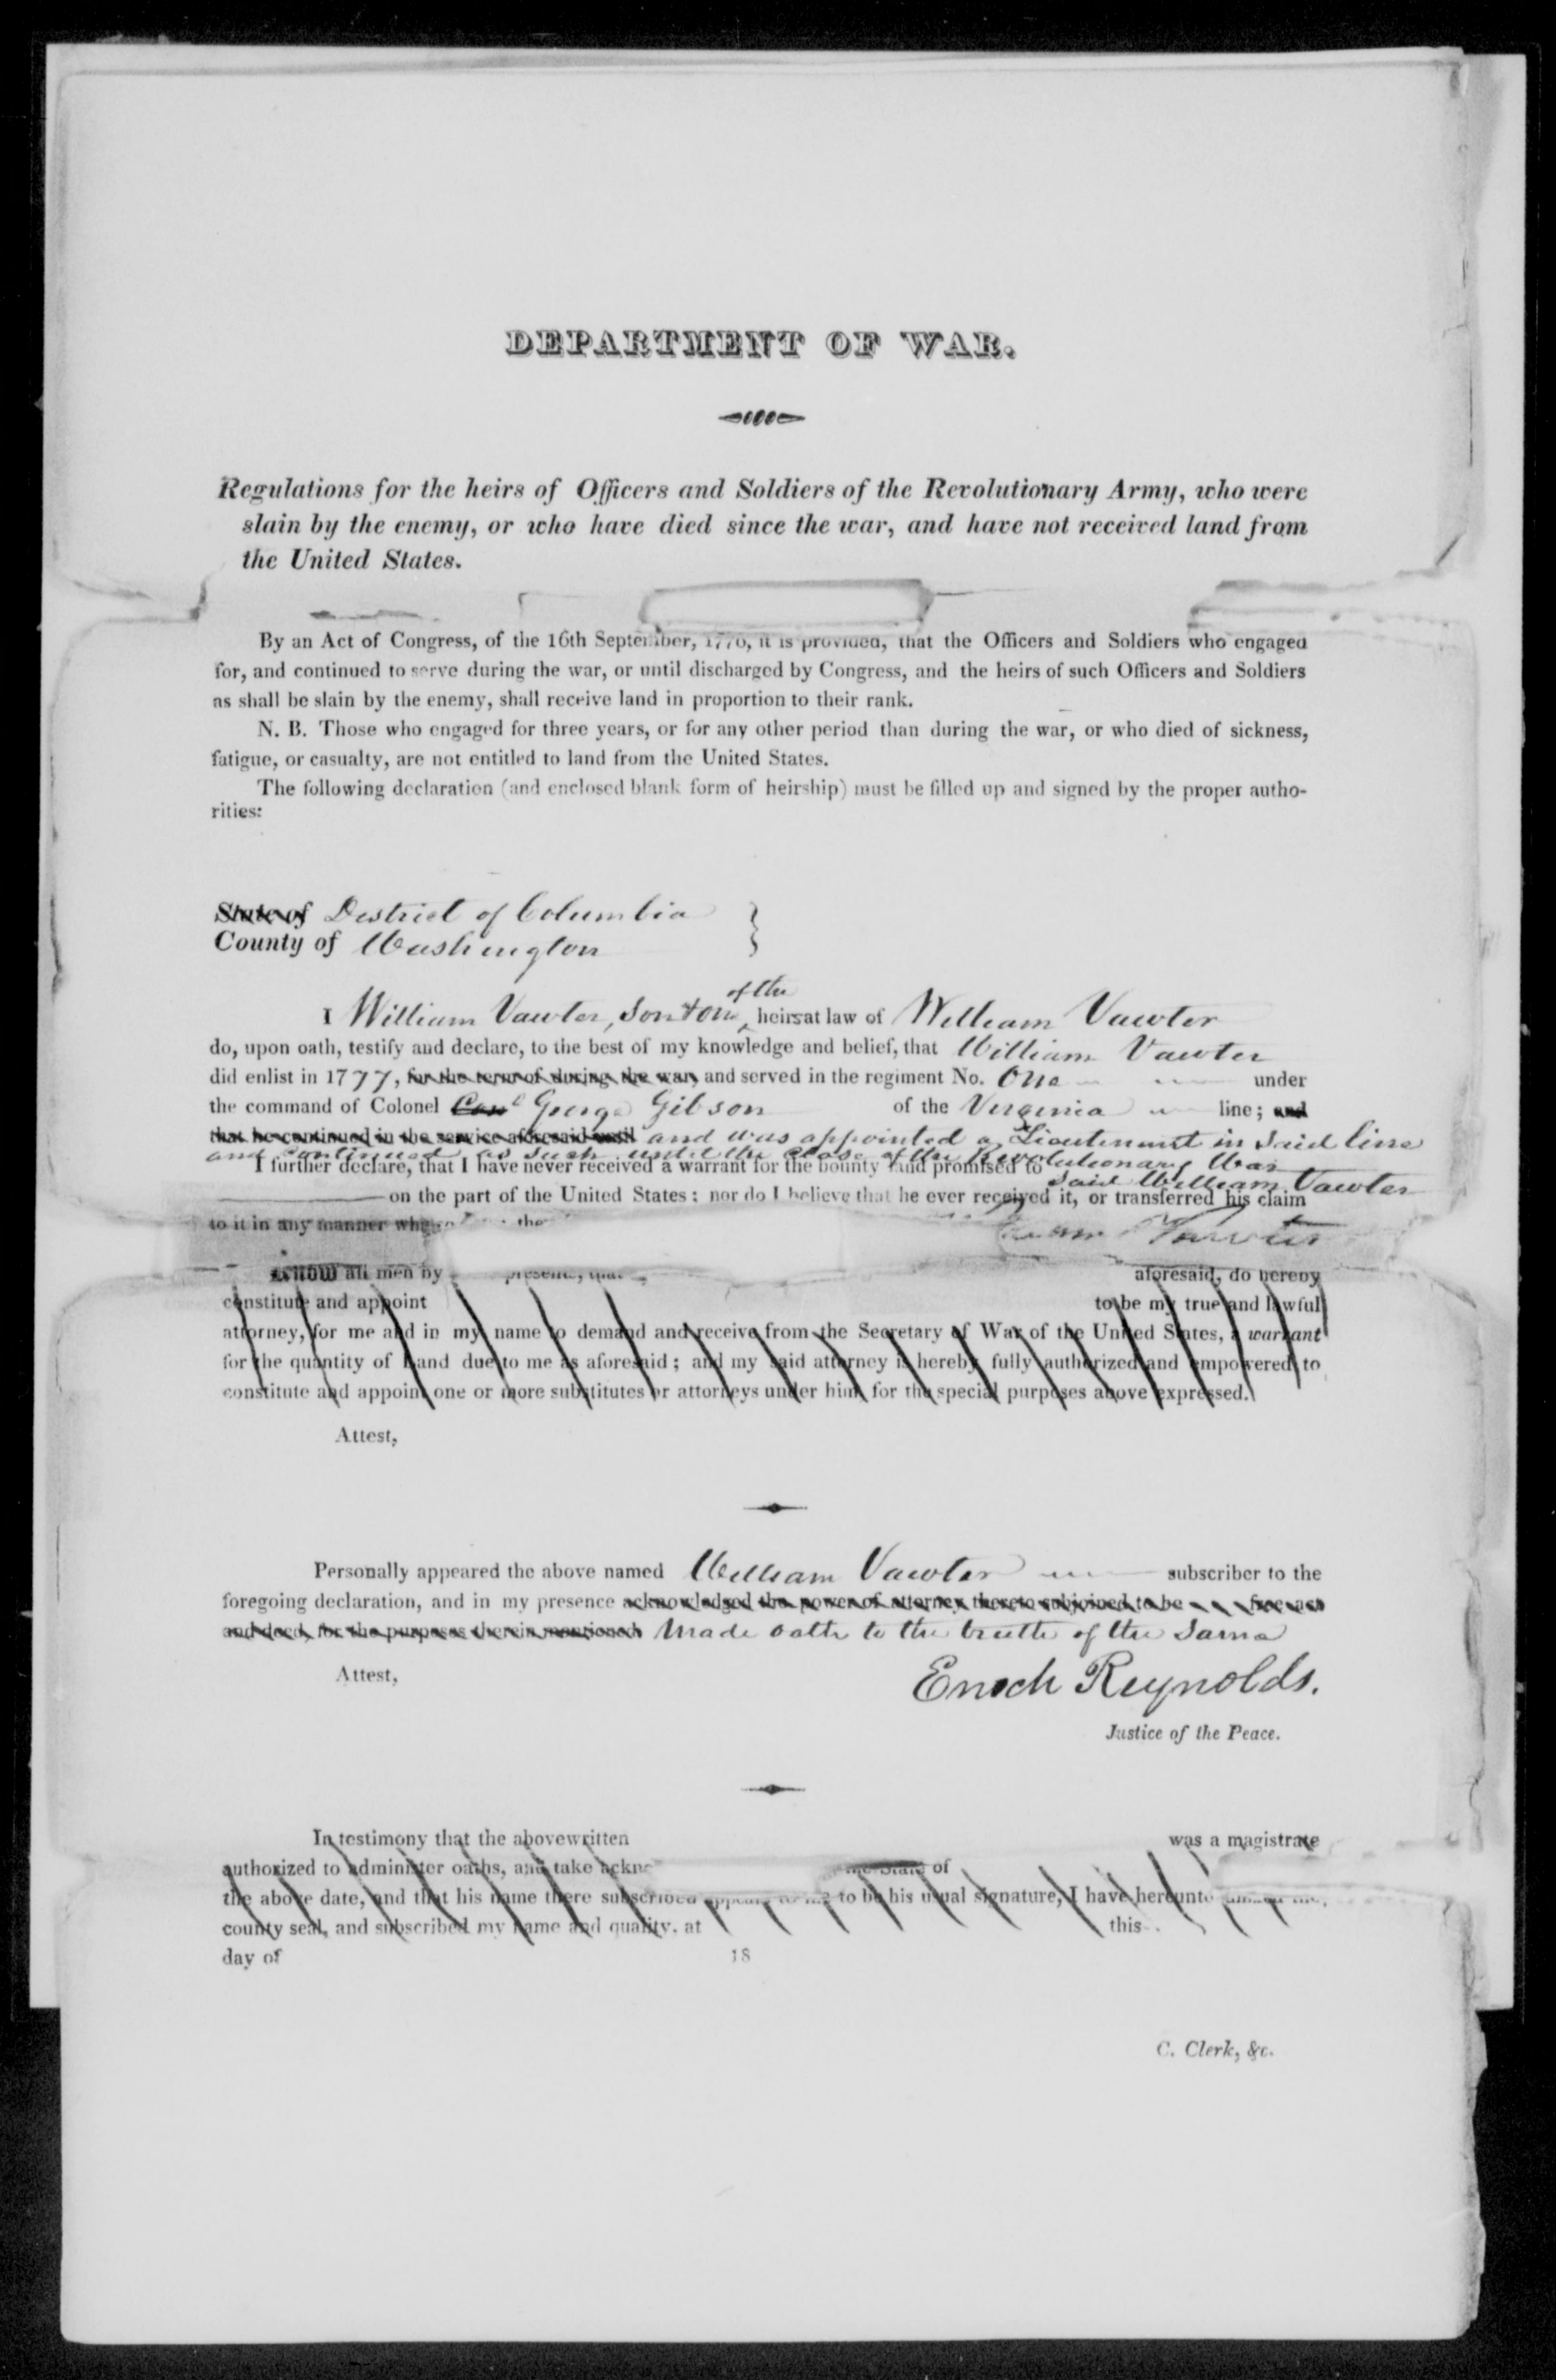DEPARTMENT OF WAR.

Regulations for the heirs of Officers and Soldiers of the Revolutionary Army, who were
slain by the enemy, or who have died since the war, and have not received land from
the United States.
By an Act of Congress, of the 16th September, 1770, It is provided, that the Officers and Soldiers who engaged
for, and continued to serve during the war, or until discharged by Congress, and the heirs of such Officers and Soldiers
as shall be slain by the enemy, shall receive land in proportion to their rank.
N. B. Those who engaged for three years, or for any other period than during the war, or who died of sickness, fatigue, or casualty, are not entitled to land from the United States.
The following declaration (and enclosed blank form of heirship) must be filled up and signed by the proper authorities
:
District of Columbia
County of Washington

I William Lawler, Son & one of the heirs at law of William Vawter
do, upon oath, testify and declare, to the best of my knowledge and belief, that William Vawter
did enlist in 1777,  and served in the regiment No. One under
the command of Colonel George Gilson of the Virginia line; and
and was appointed a Lieutenant in said line
and continued as such until the close of the Revolutionary War
I further declare, that I have never received a warrant for the bounty land promised to said William Vawter
on the part of the United States; nor do I believe that he ever received it, or transferred his claim to it in any manner [...illegible] William Vawter


Attest,
Personally appeared the above named William Vawter subscriber to the
foregoing declaration, and in my presence  made oath to the truth of the same
Enoch Reynolds
Justice of the Peace.

18

C. Clerk, &c.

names: William Vawter, William Vawter, William Vawter, George Gibson, William Vawter, Enoch Reynolds, William Vawter, William Vawter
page: 3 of 51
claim: rejected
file: R. 10,921, William Vawter, Va.